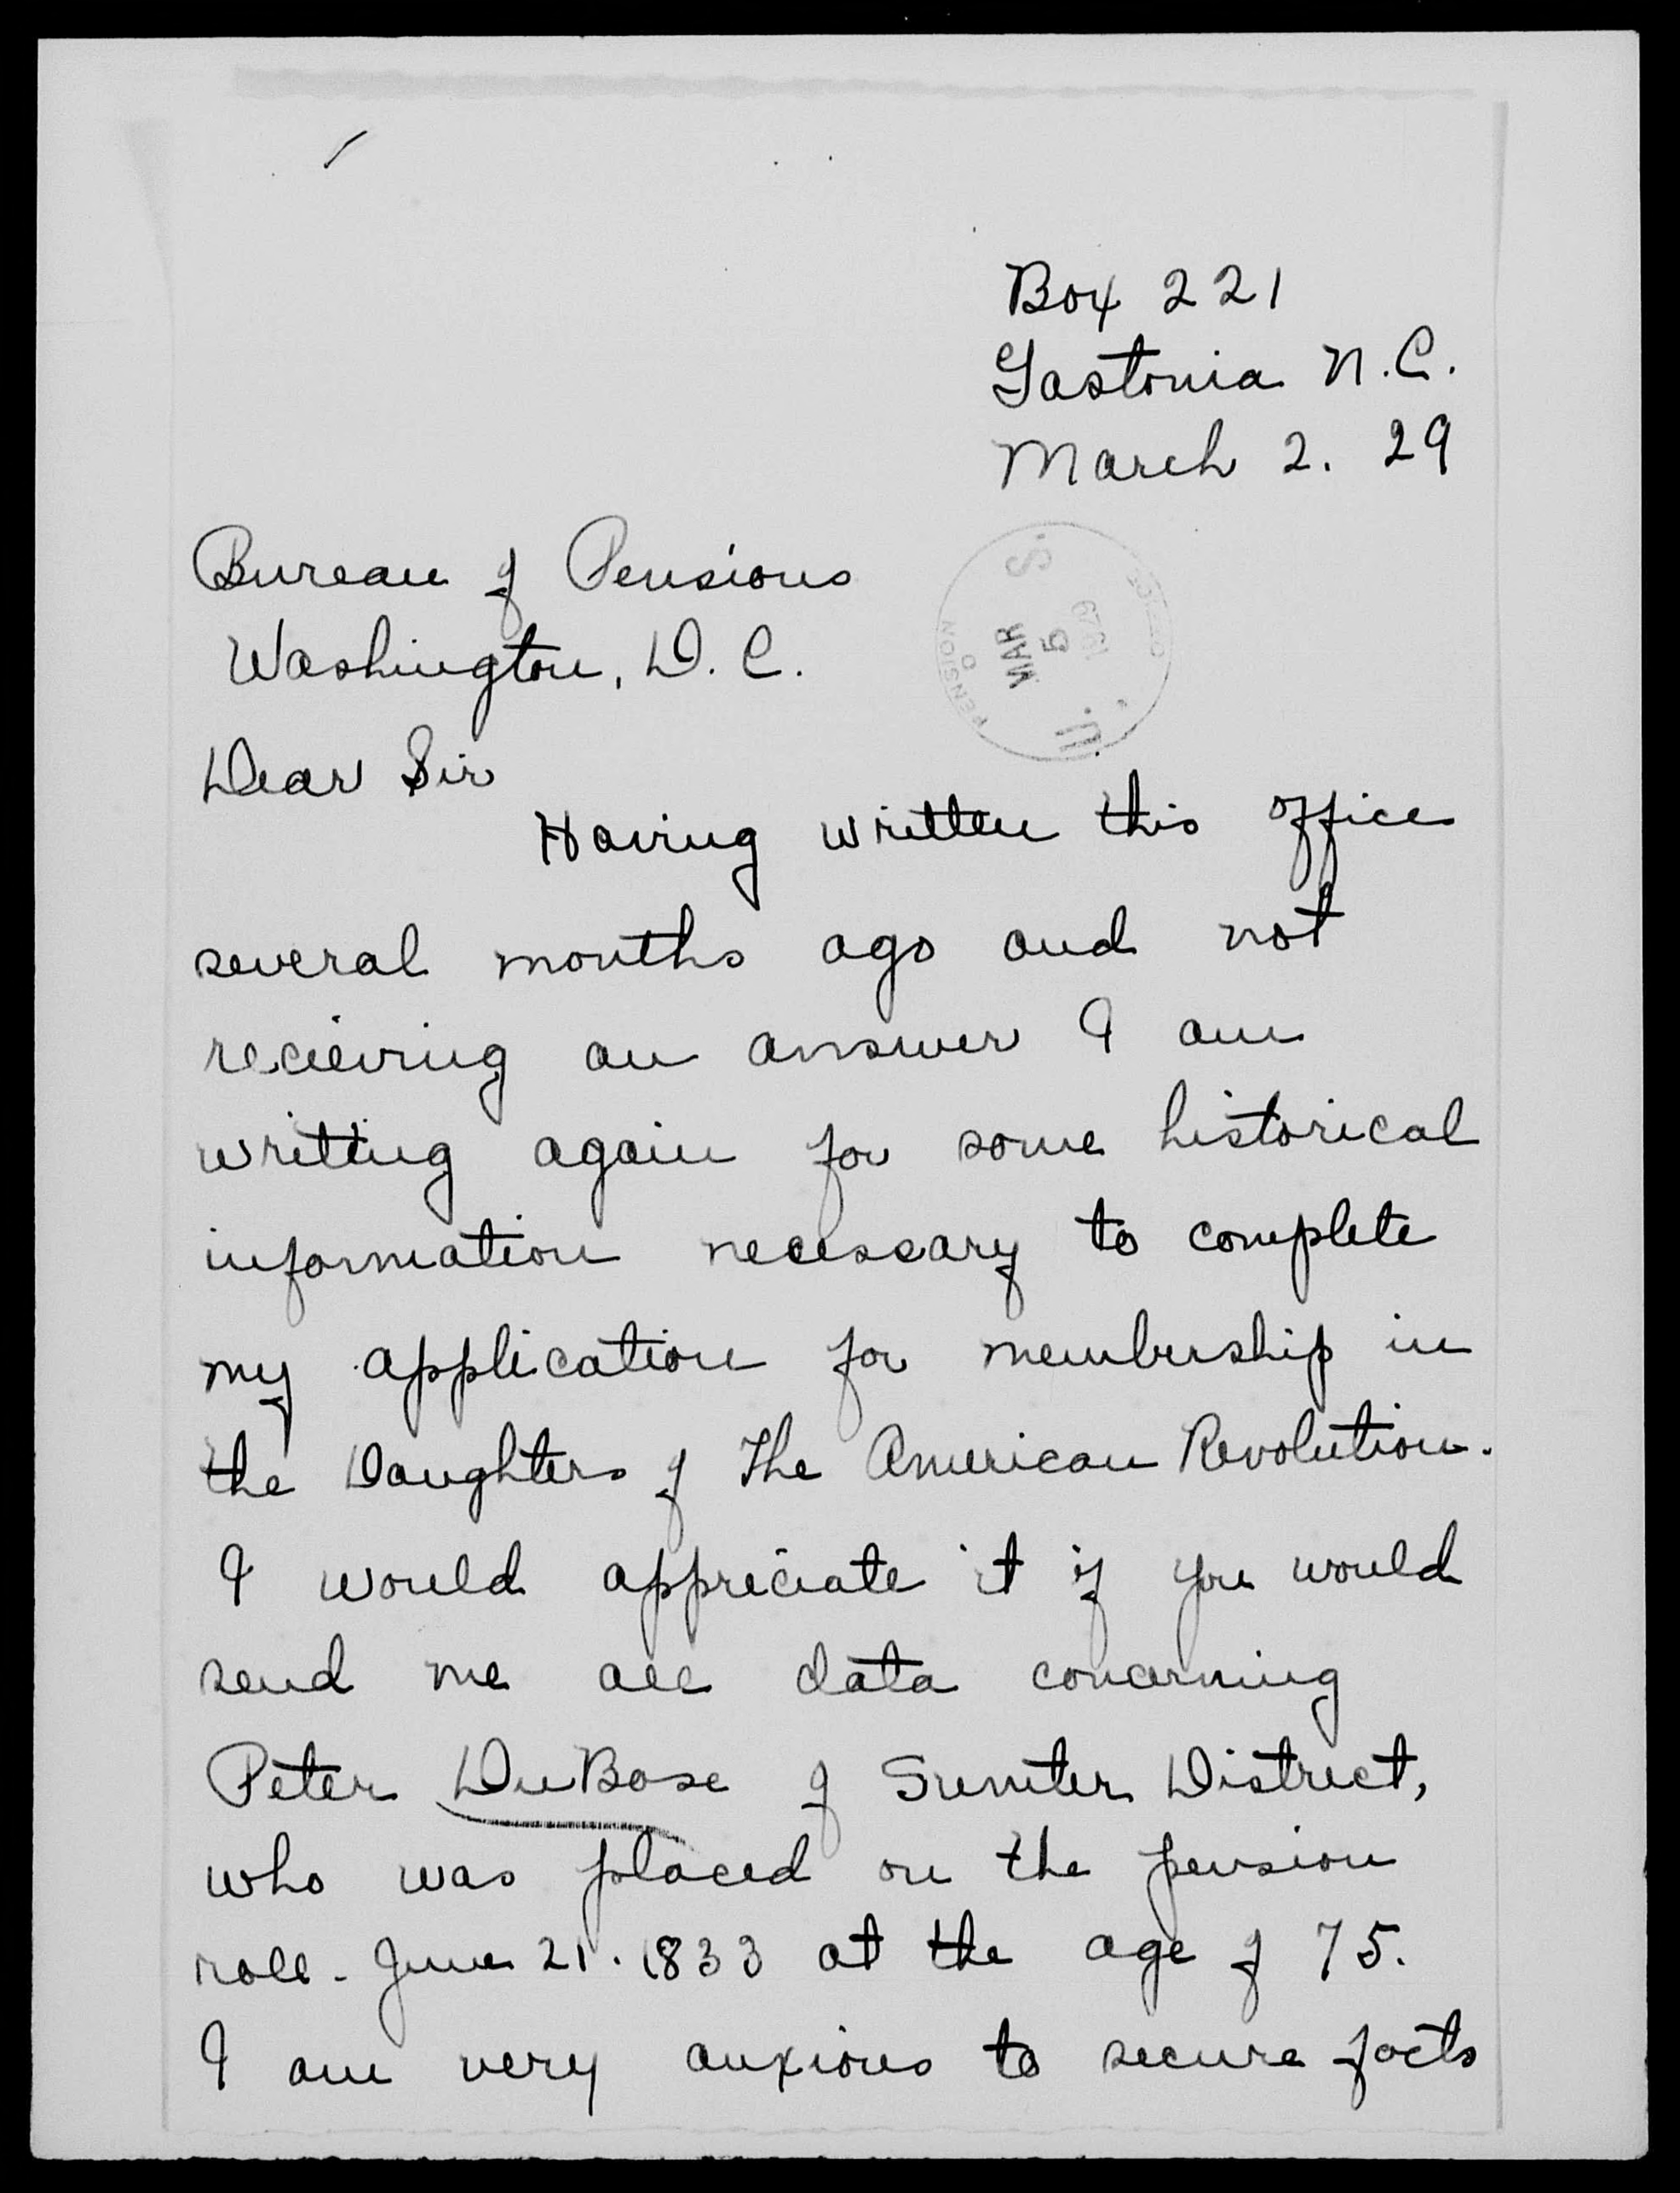Box 221
Gastonia N.C.
March 2, 29

Bureau of Pensions
Washington, D.C.

Dear Sir

Having written this office several months ago and not receiving an answer I am writing again for some historical information necessary to complete my application for membership in the Daughters of the American Revolution. I would appreciated it if you would send me all data concerning Peter DuBose of Sumter District, who was placed on the pension role, June 21, 1833 at the age of 75. I am very anxious to secure facts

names: Peter Du Bose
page: 39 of 43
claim: survivor's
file: S. 21163, Peter Dubose, S.C.